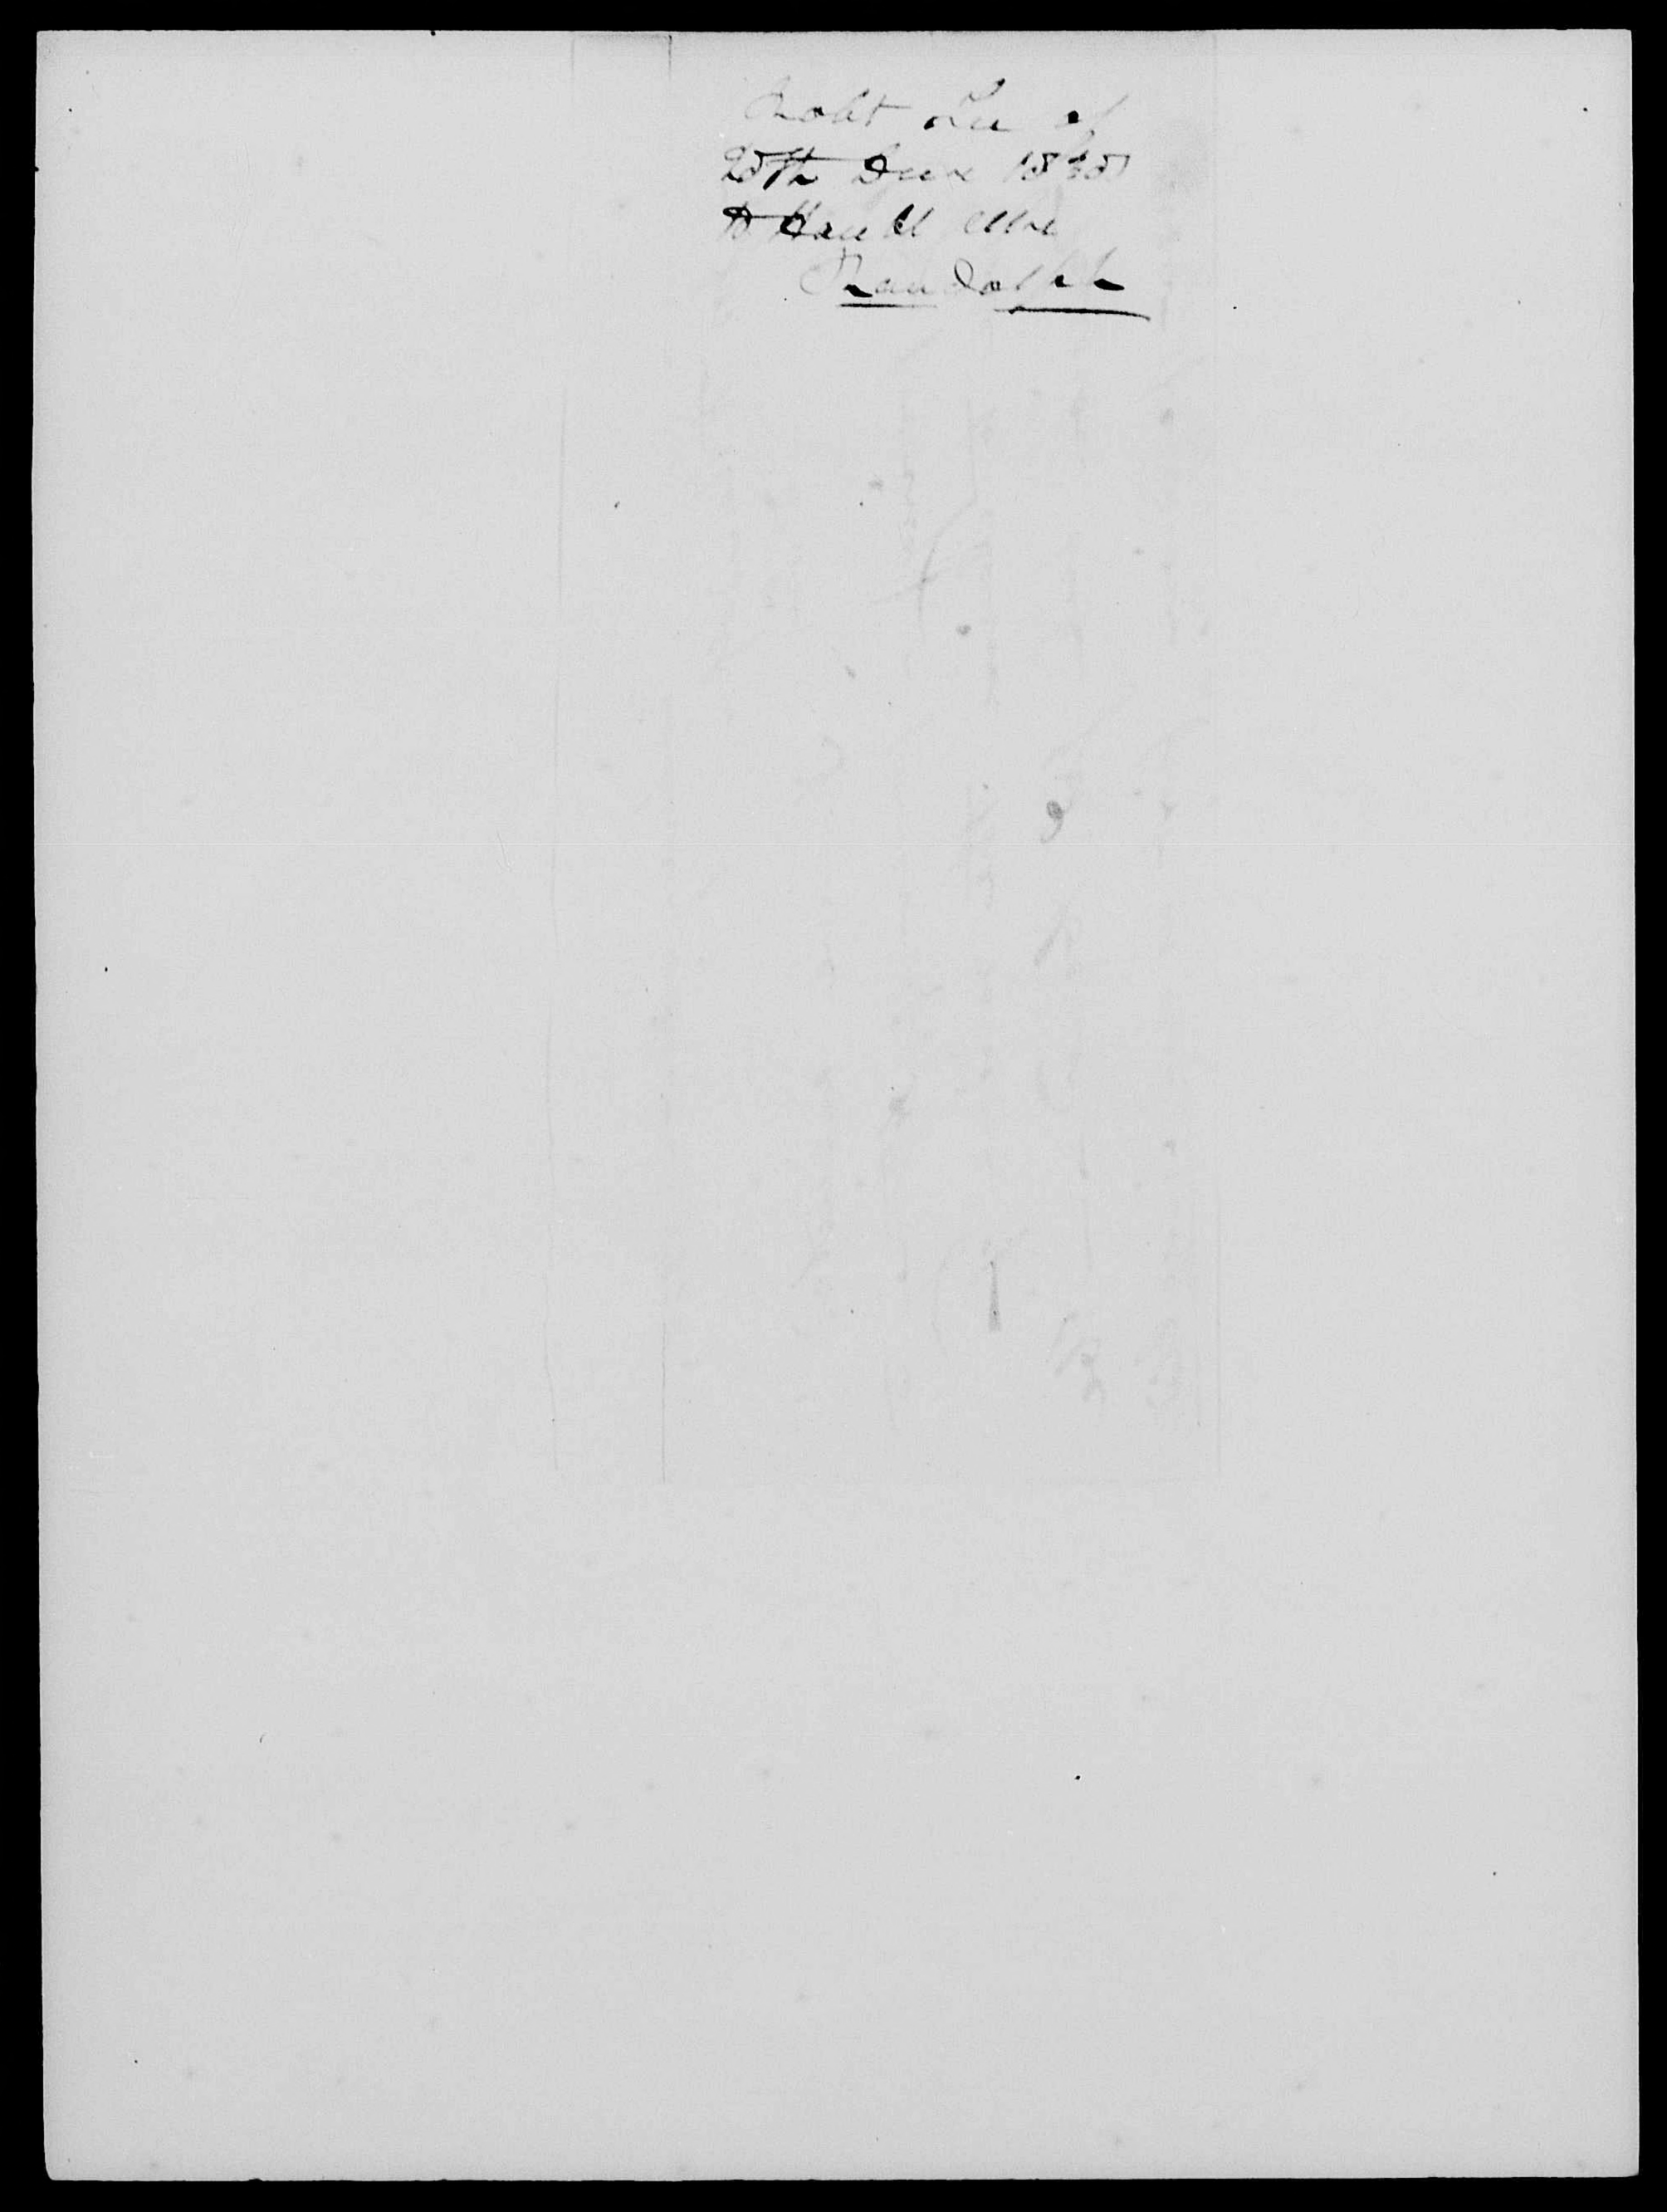Robt Lee af 25th [illegible] 15328 to Haubl [illegible] Randolph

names: Randolph, Robt Lee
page: 52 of 62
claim: survivor's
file: S. 540, James Heard, Continental - New Jersey Residence In 1818